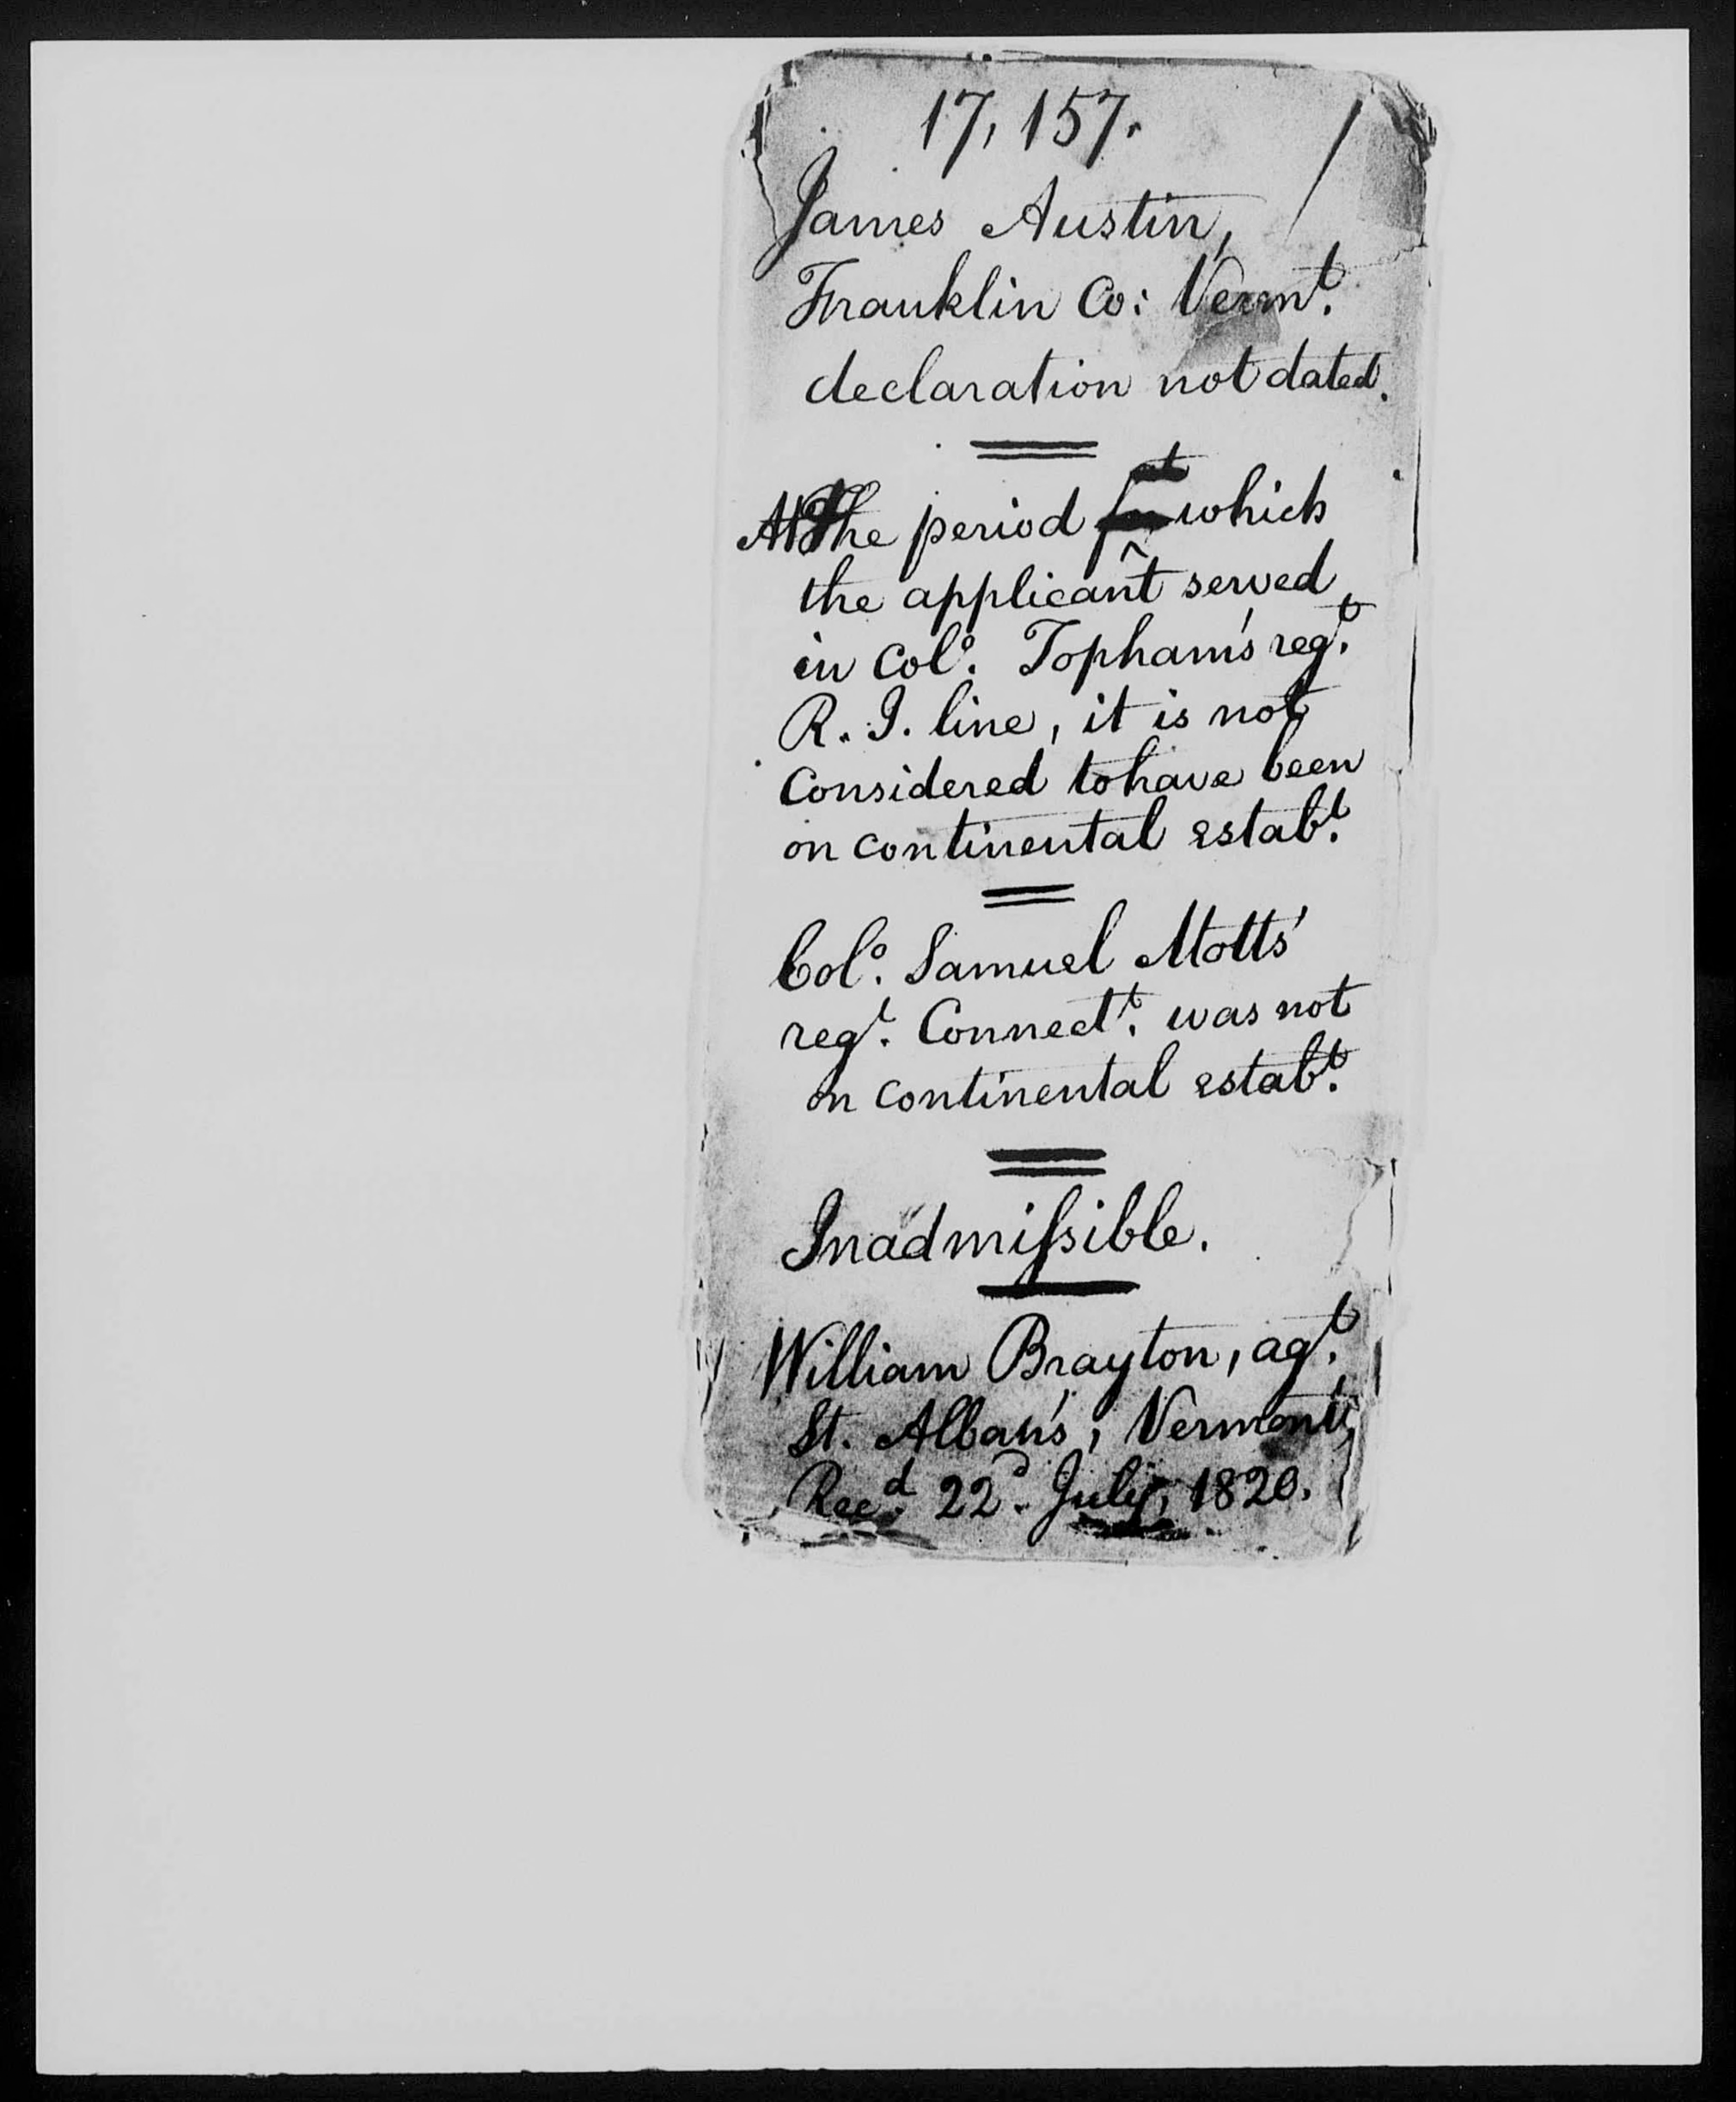17, 157.
James Austin
Franklin Co. Vermont.
Declaration not dated.
At the period which the applicant served in Col. Topham's reg. R.I. line, it is not considered to have been continental estab.
Col. Samuel Mott's reg. Connect. was not on continental estab.
Inadmisible.
William Brayton, agt
St. Albans, Vermont
Reced 22 July, 1828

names: William Brayton, James Austin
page: 40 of 100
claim: survivor's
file: S 19186, James Austin, Conn. New York R.I.